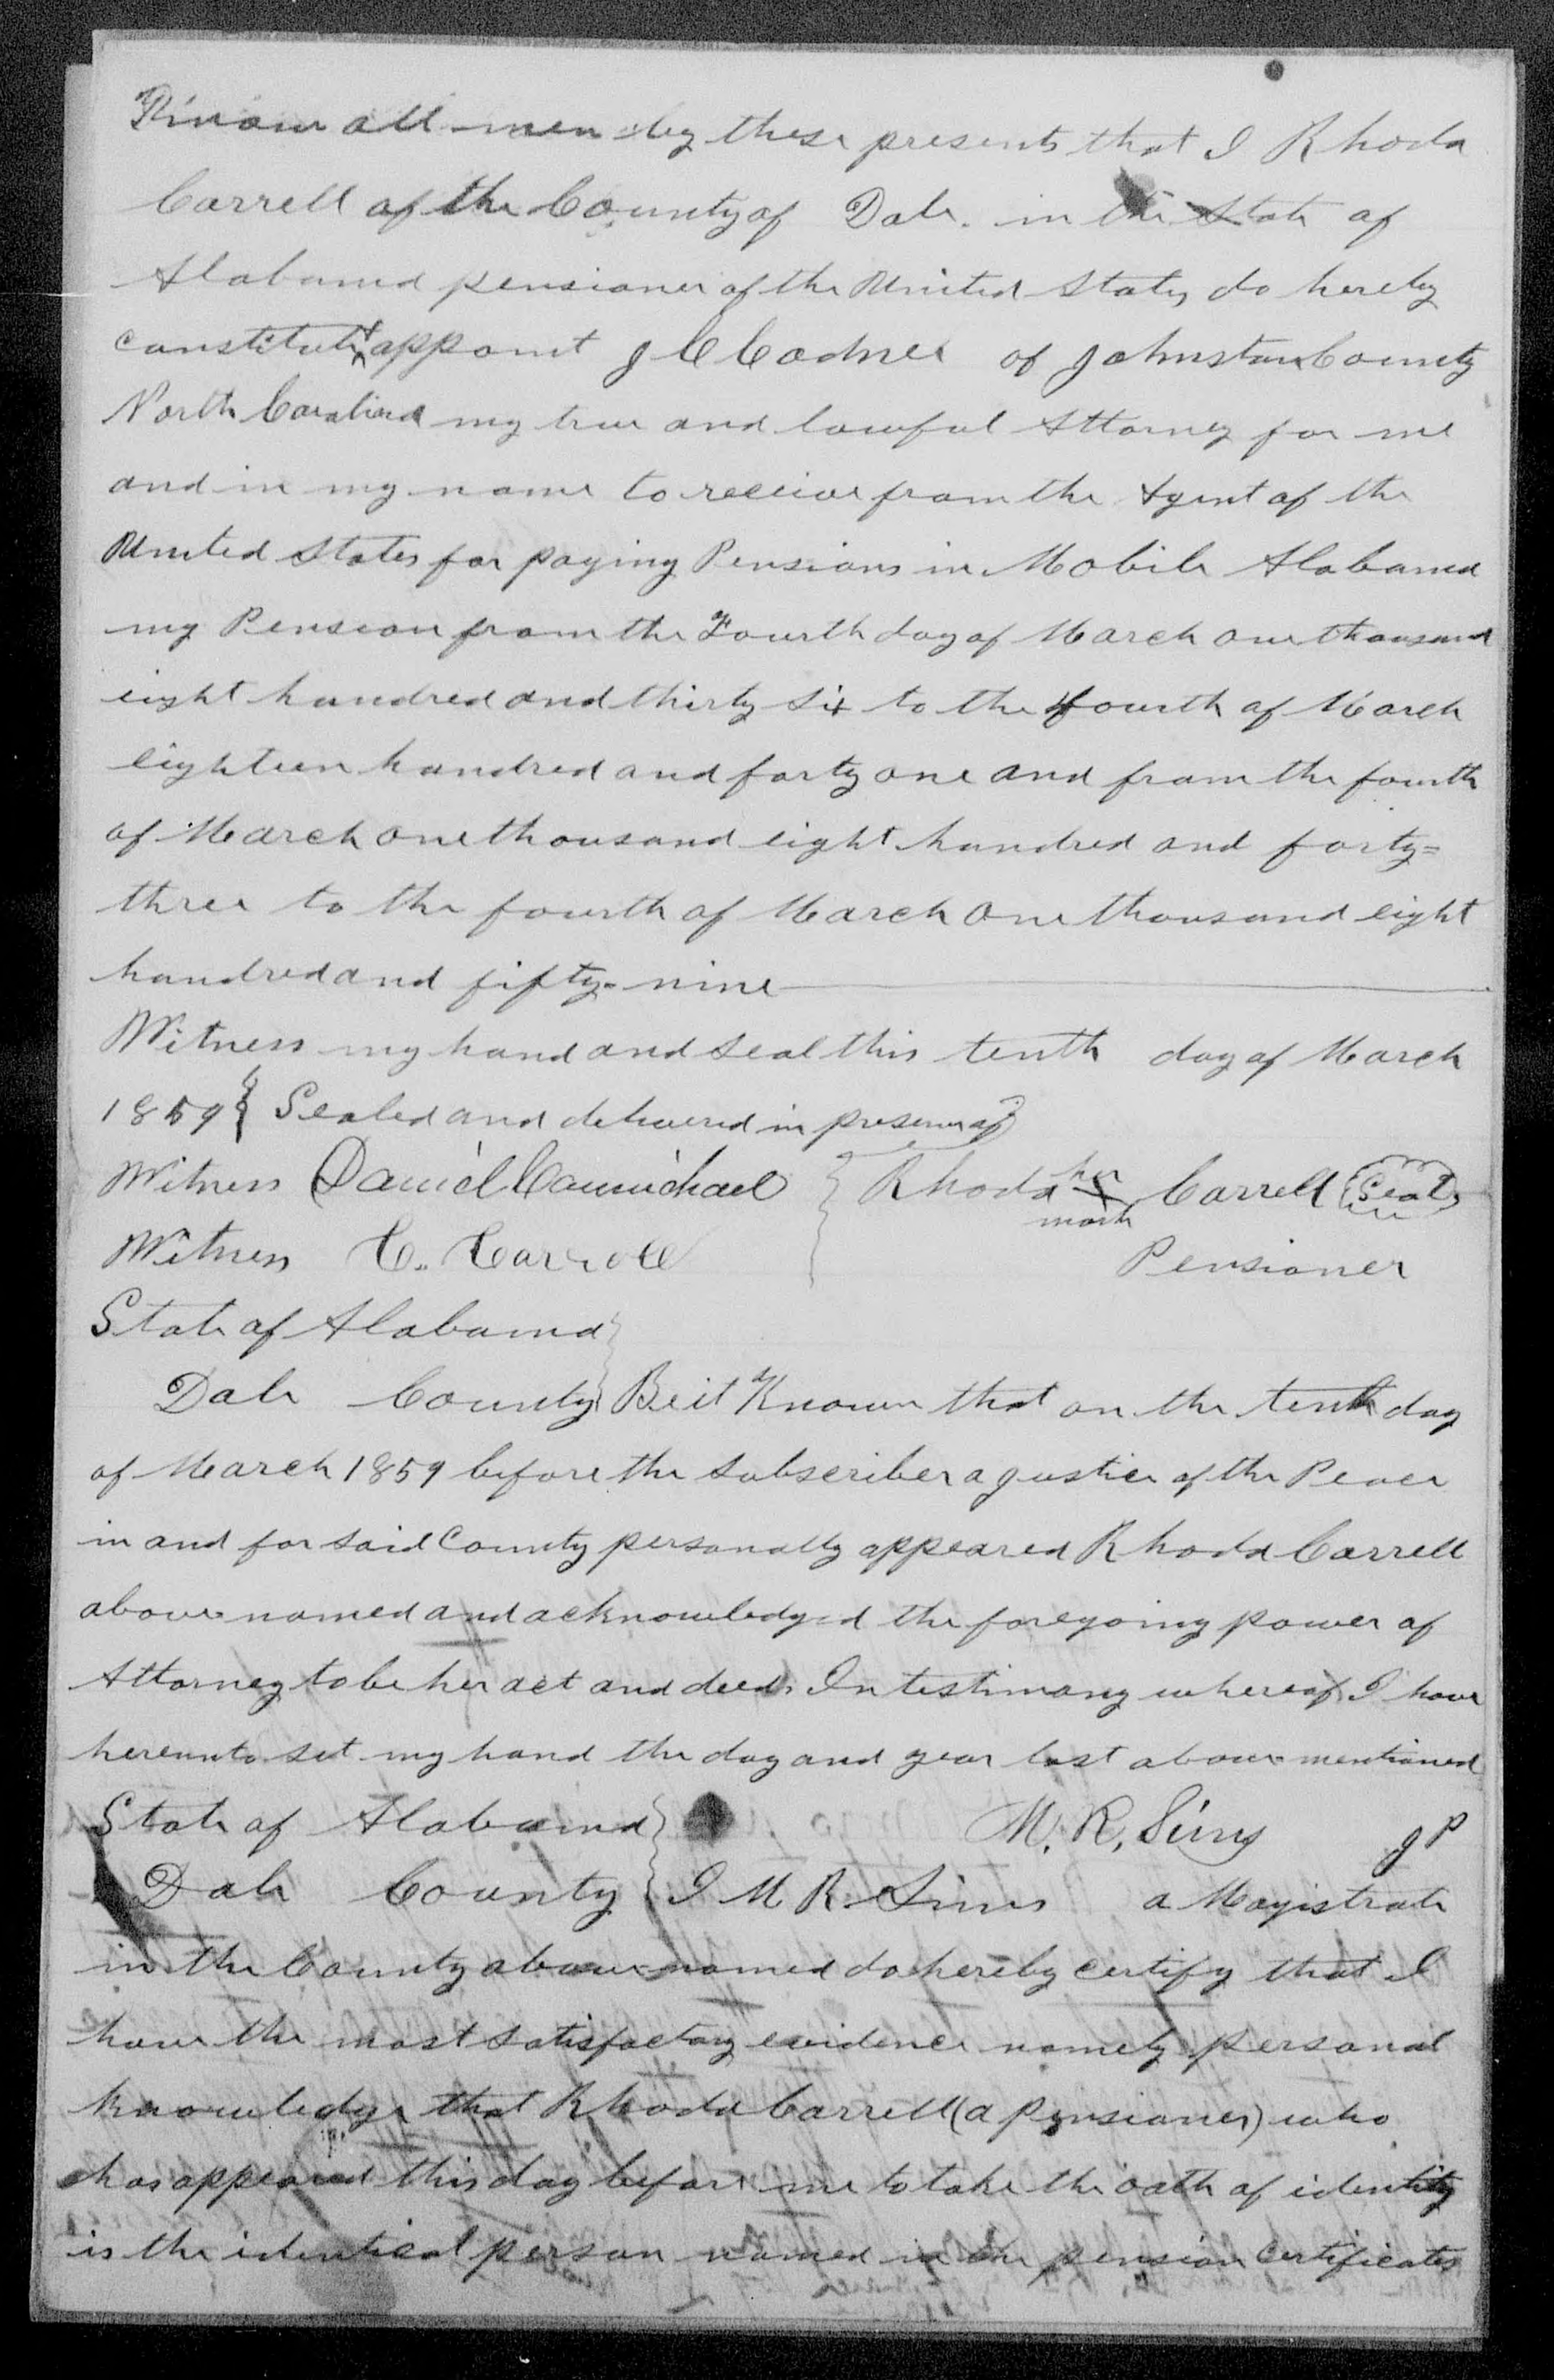Know all men by these presents that I Rhoda Carrell of the County of Dale in the State of Alabama pensioner of the United States do hereby constitute and appoint J. C. Codner of Johnston County North Carolina my true and lawful Attorney for me and in my name to receive from the Agent of the United States for paying pension in Mobile Alabama my pension from the Fourth day of March one thousand eight hundred and thirty six to the fourth of March eighteen hundred  and forty one and from the fourth of march one thousand eight hundred and forty three to the fourth of March one thousand eight hundred and fifty nine.
witness my hand and seal this tenth day of March 1859. Sealed and delivered in presence. Rhoda Carrell (her mark) Pensioner
Witness David Carmichael
Witness C. Carrell

State of Alabama 
Dale County }  Be it known that on the tenth day of March 1859 before the subscriber a Justice of the Peace in and for said county personally appeared Rhoda Carrell above named and acknowledged the foregoing power of attorney to be her act and deed. In testimony where of I have hereunto set my hand the day and year last above mentioned. M. R. Sims  JP

State of Alabama 
Dale County }  I M. R. Sims a magistrate in the County above named do hereby certify that I have the most satisfactory evidence namely personal knowledge that Rhoda Carrell (a pensioner) who has appeared this day before me to take the oath of identical person named in her pension certificate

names: Rhoda Carrell, Daniel Carmichael, Rhoda Carrell, M R Sims, Rhoda Carrell, J C Codner, Rhoda Carrell, M R Sims, C Carroll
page: 25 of 86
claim: widow's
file: W. 6899, James Carrell, N.C.